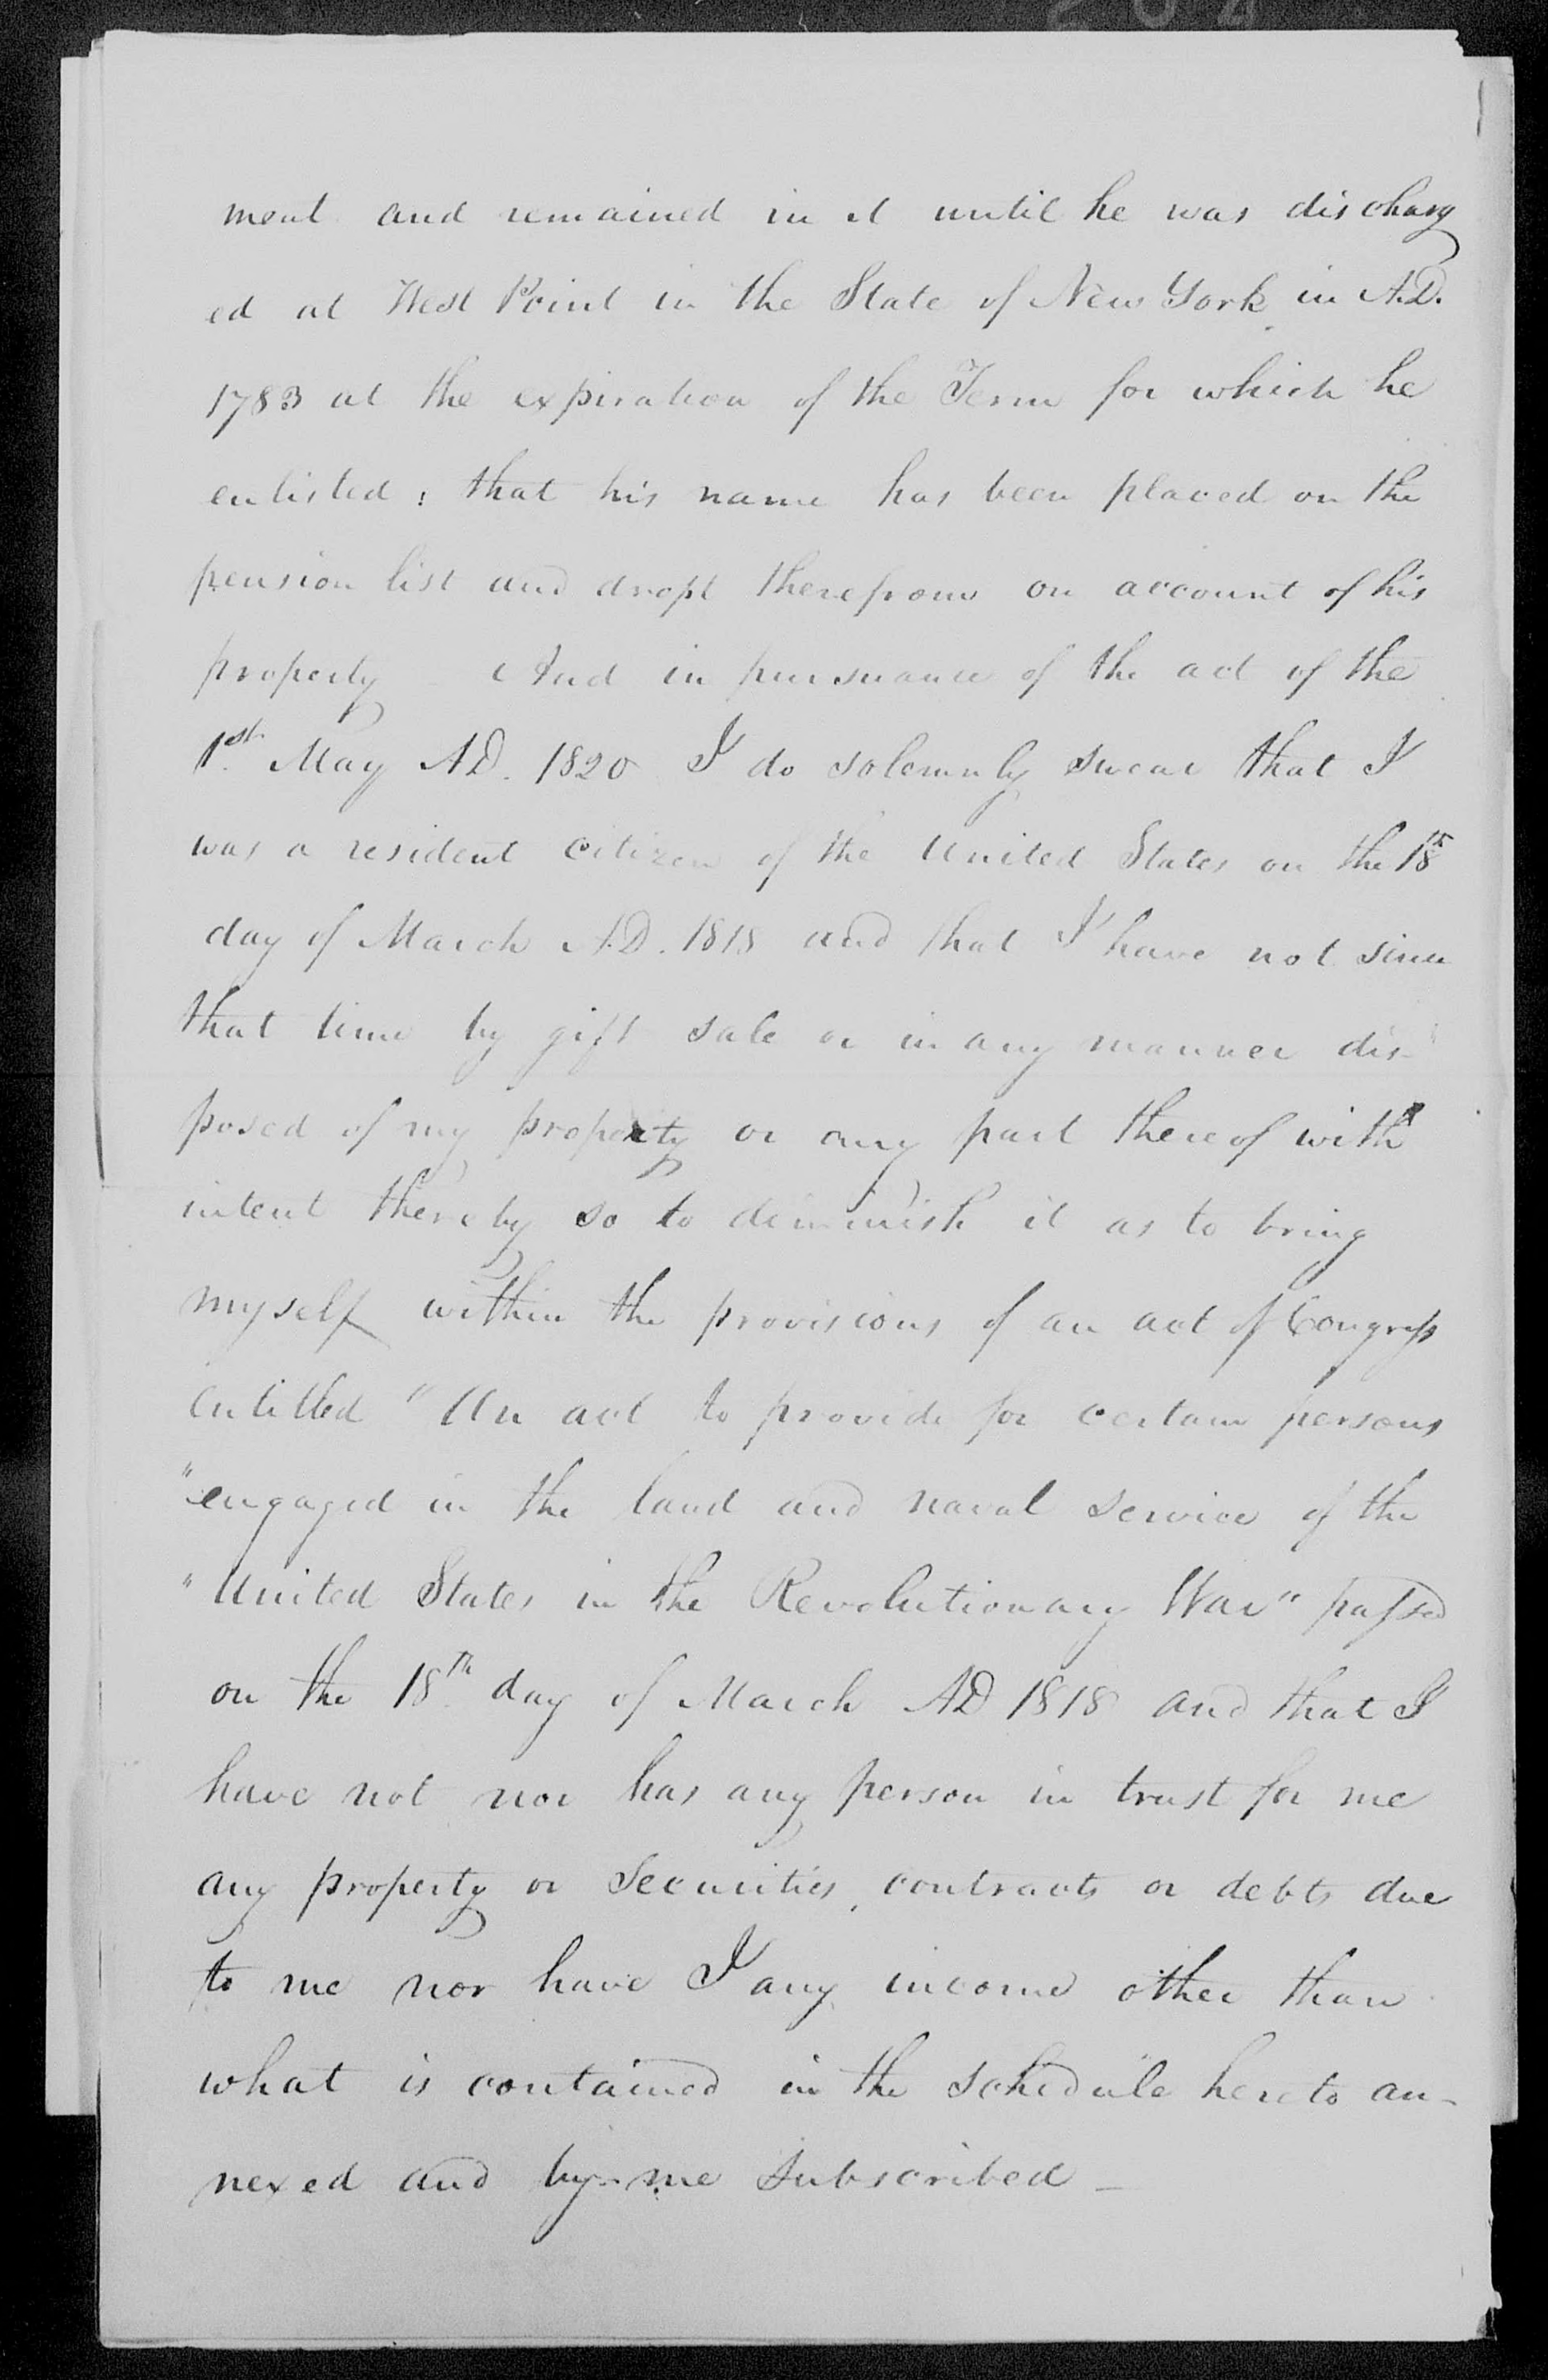ment and remained in it until he was discharged at West Point in the State of New York in AD 1783 at the expiration of the Term for which he enlisted; that his name has been placed on the pension list and dropt therefrom on account of his property. And in pursuance of the act of the 1st May AD 1820 I do solemnly swear that I was a resident citizen of the United States on the 18th day of March AD 1818 and that I have not since that time by gift sale or in any manner disposed of my property, or any part thereof with intent thereby so to diminish it as to being myself within the provisions of ac act of Congress entitled "an act to provide for certain persons engaged in the land and naval service of the United States in the Revolutionary War" passed on the 18th day of March AD 1818 and that I have not nor has any person in trust for me any property or securities, contracts or debts due to me, nor have I any income other than what is contained in the schedule hereto annexed and by me subscribed.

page: 52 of 61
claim: widow's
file: W. 29,929, Hezekiah Betts, Conn.